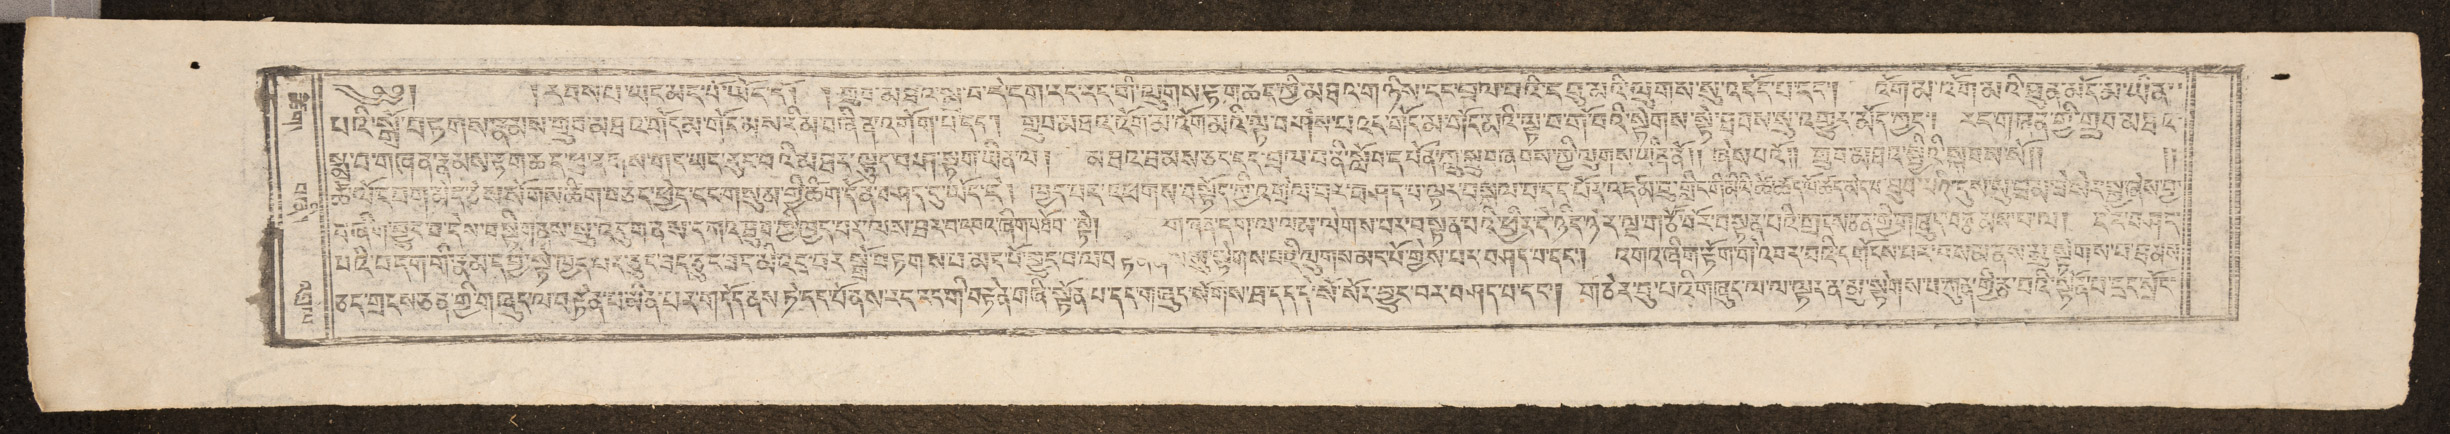༄༅། །རབས་པ་ཡང་མང་པོ་ཡོད་དོ། །གྲུབ་མཐའ་སྨྲ་བ་དེ་དག་རང་རང་གི་ལུགས་རྟག་ཆད་ཀྱི་མཐའ་གཉིས་དང་བྲལ་བའི་དབུ་མའི་ལུགས་སུ་འདོད་པ་དང་། འོག་མ་འོག་མའི་ཐུན་མོང་མ་ཡིན་
པའི་སྒྲོ་བཏགས་རྣམས་གྲུབ་མཐའ་གོང་མ་གོང་མས་རིམ་བཞིན་འགོག་པ་དང་། གྲུབ་མཐའ་འོག་མ་འོག་མའི་ལྟ་བ་ཤེས་པའང་གོང་མ་གོང་མའི་ལྟ་བ་གོ་བའི་སྟེགས་སྟེ་ཐབས་སུ་འགྱུར་མོད་ཀྱང་། རང་གཞན་གྱི་གྲུབ་མཐའ་
སྨྲ་བ་གཞན་རྣམས་རྟག་ཆད་ཕྲ་རགས་གང་ཡང་རུང་བའི་མཐར་ལྟུང་བ་ཤ་སྟག་ཡིན་ལ། མཐའ་ཐམས་ཅད་དང་བྲལ་བ་ནི་སློབ་དཔོན་ཀླུ་སྒྲུབ་ཞབས་ཀྱི་ལུགས་ཡིན་ནོ།། ཞེས་པའོ།། གྲུབ་མཐའ་སྤྱིའི་སྐབས་སོ།། །།
ཆོ་ལོ་དཔག་མེད་ཅེས་སོགས་ཚིག་བཅད་ཕྱེད་དང་གསུམ་གྱི་ཚིག་དོན་བཤད་དུ་ཡོད་དེ། ཁྱད་པར་འཕགས་བསྟོད་ཀྱི་འགྲེལ་བར་བཤད་པ་ལྟར་བསྐལ་བ་དང་པོར་འཛམ་བུ་གླིང་གི་མིའི་ཚེ་ཚད་ལོ་ཚད་མེད་པ་ཐུབ་པའི་དུས་སུ་བྲམ་ཟེ་སེར་སྐྱ་ཞེས་བྱ་
བ་ཞིག་བྱུང་བ་དེས་བསྟི་གནས་སུ་འདུག་ནས་དཀའ་ཐུབ་ཀྱི་ཁྱད་པར་ལས་ཐར་བ་འབའ་ཞིག་པ་ཐོབ་སྟེ། གཞན་དག་ལ་ལམ་ལེགས་པར་བསྟན་པའི་ཕྱིར་དེ་ཉིད་ཉེར་ལྔ་གཙོ་བོར་བསྟན་པའི་གྲངས་ཅན་གྱི་གཞུང་བརྩམས་པ་ལ། དེར་བཤད་
པའི་བདག་གི་རྣམ་དབྱེ་སྟེ་ཁྱད་པར་ཅུང་ཟད་ཅུང་ཟད་མི་འདྲ་བར་སྒྲོ་བཏགས་པ་མང་པོ་བྱུང་བ་ལ་བརྟན་ནས་མུ་སྟེགས་པའི་ལུགས་མང་པོ་གྱེས་པར་བཤད་པ་དང་། འགའ་ཞིག་རྟོག་གེ་འབར་བའི་དགོངས་པར་བསམ་ནས་མུ་སྟེགས་པ་ཐམས་
ཅད་གྲངས་ཅན་གྱི་གཞུང་ལ་བརྟེན་པ་མིན་པར་གདོད་ནས་ཏེ་དང་པོ་ནས་རང་རང་གི་བརྟེན་གཞི་སྟོན་པ་དང་གཞུང་སོགས་ཐ་དད་དེ་སོ་སོར་བྱུང་བར་བཤད་པ་དང་། གཅེར་བུ་པའི་གཞུང་ལ་ལ་ལྟར་ན་མུ་སྟེགས་པ་ཀུན་གྱི་རྩ་བའི་སྟོན་པ་དྲང་སྲོང་